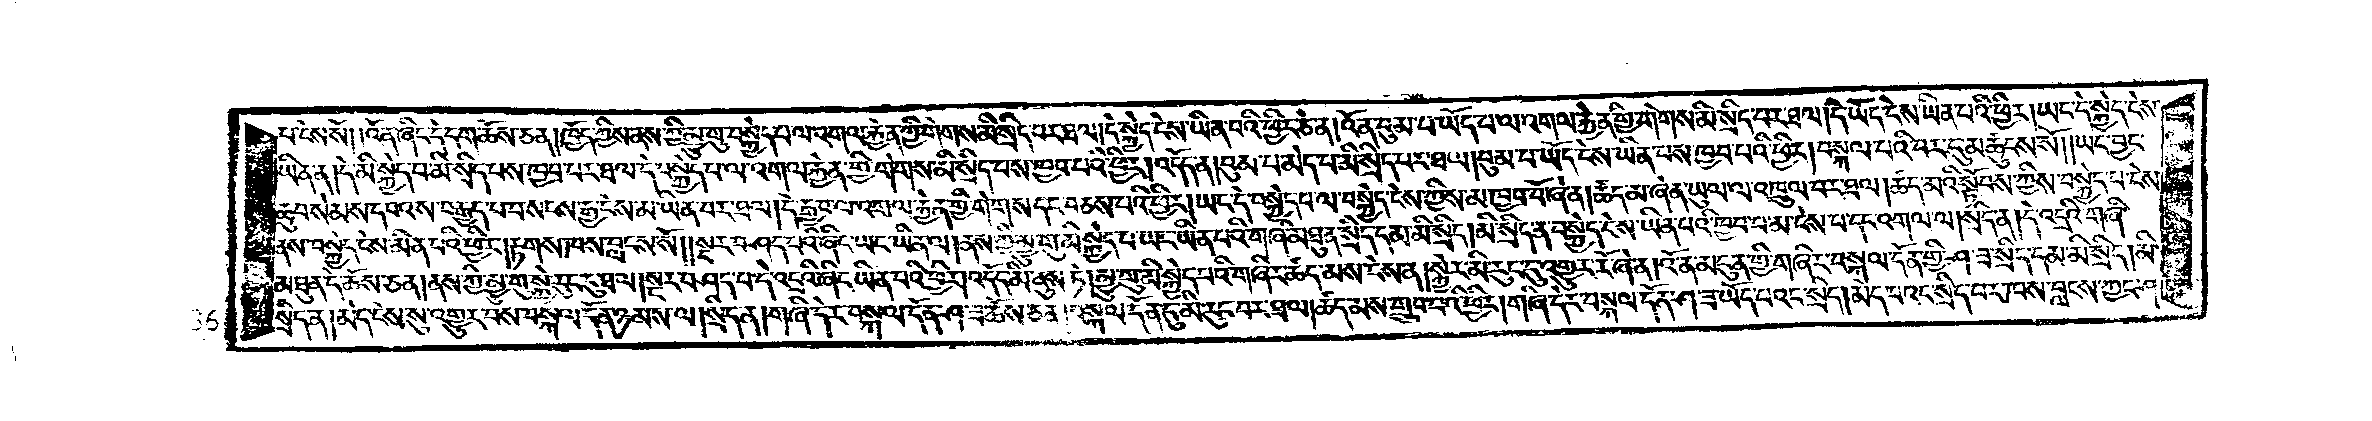པ་ངེས་སོ། །འོ་ན་ཞིང་དེ་དག་ཆོས་ཅན། ཁྱོད་ཀྱིས་ནས་ཀྱི་མྱུ་གུ་བསྐྱེད་པ་ལ་འགལ་རྐྱེན་གྱི་གེགས་མི་སྲིད་པར་ཐལ། དེ་སྐྱེད་ངེས་ཡིན་པའི་ཕྱིར་ཅེ་ན། འོ་ན་བུམ་པ་ཡོད་པ་ལ་འགལ་རྐྱེན་གྱི་གེགས་མི་སྲིད་པར་ཐལ། དེ་ཡོད་ངེས་ཡིན་པའི་ཕྱིར། ཡང་དེ་སྐྱེད་ངེས་
ཡིན་ན། དེ་མི་སྐྱེད་པ་མི་སྲིད་པས་ཁྱབ་པར་ཐལ་དེ་བསྐྱེད་པ་ལ་འགལ་རྐྱེན་གྱི་གེགས་མི་སྲིད་པས་ཁྱབ་པའི་ཕྱིར། འདོད་ན། བུམ་པ་མེད་པ་མི་སྲིད་པར་ཐལ། བུམ་པ་ཡོད་ངེས་ཡིན་པས་ཁྱབ་པའི་ཕྱིར། བསྐལ་པའི་བར་དུ་མཚུངས་སོ། །ཡང་བྱང་
ཆུབ་སེམས་དཔའ་ས་བརྒྱད་པ་བ་སངས་རྒྱས་ངེས་མ་ཡིན་པར་ཐལ། དེ་རྒྱབ་ལ་འགལ་རྐྱེན་གྱི་གེགས་དང་བཅས་པའི་ཕྱིར། ཡང་དེ་བསྐྱེད་པ་ལ་བསྐྱེད་ངེས་ཀྱིས་མ་ཁྱབ་བོ་ཞེ་ན། ཚད་མ་ཞེན་ཡུལ་ལ་འཁྲུལ་བར་ཐལ། ཚད་མའི་སྟོབས་ཀྱིས་བསྐྱེད་པ་ངེས་
ནས་བསྐྱེད་ངེས་མིན་པའི་ཕྱིར། རྟགས་ཁས་བླངས་སོ། །སྔར་བཤད་པའི་ཞིང་ཡང་ཡིན་ལ། ནས་ཀྱི་མྱུ་གུ་མི་སྐྱེད་པ་ཡང་ཡིན་པའི་གཞི་མཐུན་སྲིད་དམ་མི་སྲིད། མི་སྲིད་ན་བསྐྱེད་ངེས་ཡིན་པའི་ཁྱབ་པ་མ་ངེས་པ་དང་འགལ་ལ། སྲིད་ན། དེ་འདྲའི་གཞི་
མཐུན་དེ་ཆོས་ཅན། ནས་ཀྱི་མྱུ་གུ་སྐྱེ་རུང་དུ་ཐལ། སྔར་བཤད་པ་དེ་འདྲའི་ཞིང་ཡིན་པའི་ཕྱིར། འདོད་མི་ནུས་ཏེ། མྱུ་གུ་མི་སྐྱེད་པའི་གཞིར་ཚད་མས་ངེས་ན། སྐྱེར་མི་རུང་དུ་འགྱུར་རོ་ཞེ་ན། འོ་ན་མདུན་གྱི་གཞིར་བསྐལ་དོན་གྱི་ཤ་ཟ་སྲིད་དམ་མི་སྲིད། མི་
སྲིད་ན། མེད་ངེས་སུ་འགྱུར་བས་བསྐལ་དོན་ཉམས་ལ། སྲིད་ན། གཞི་དེར་བསྐལ་དོན་ཤ་ཟ་ཆོས་ཅན། བསྐལ་དོན་དུ་མི་རུང་བར་ཐལ། ཚད་མས་གྲུབ་པའི་ཕྱིར། གཞི་དེར་བསྐལ་དོན་ཤ་ཟ་ཡོད་པའང་སྲིད། མེད་པའང་སྲིད་པར་ཁས་བླངས་ཀྱང་ཤ་